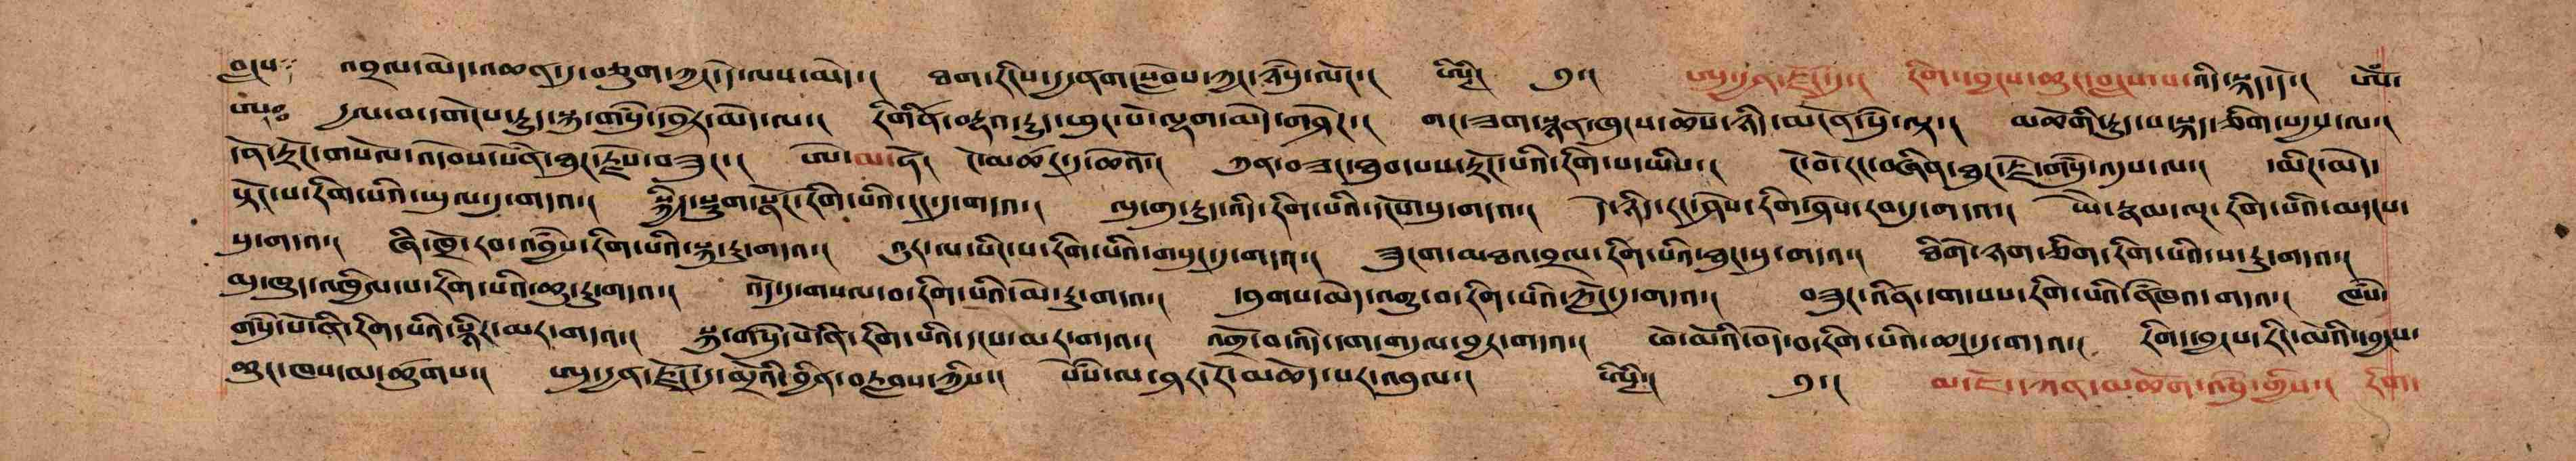བླངས༑ འབྲལ་མེད་མཆན་དུ་བཅུག་ཀྱང་དེ་ལས་མེད། ཐག་རིངས་རྒྱ་ནག་སླེབས་ཀྱང་ཉམས་སུ་ལོང་། ཨིཊི། ༄་། ཨུ་རྒྱན་རྫོང་དུ། རིག་དབྱངས་ཆུ་དབྱངས་པ་འདི་སྐད་དོ། ཨོཾ་
ཨཿ རྒྱལ་བ་དགོངས་རྒྱུད་སྐུ་གསུམ་དབྱེར་མེད་ལ། རིག་འཛིན་བརྡའ་རྒྱུད་ཕུང་པོ་ལྷག་མེད་གཤེགས། གང་ཟག་སྙན་ཁུངས་ཆོས་ཉིད་མངོན་སུམ་ལྟ། མཆོག་གི་དྱུད་པ་སྐད་ཅིག་སངས་རྒྱས་ལ། 
དོན་རྟོགས་གསོལ་འདེབས་སེམས་ཅན་ཐུགས་རྗེས་བཟུང་། ཨེ་མ་ཧོ། ངོ་མཚར་དུ་ཆེའོ། ཀུན་བཟང་ཐུག་པས་རྟོགས་པའི་རིག་པ་ཡིས། ངོ་བོ་རང་བཞིན་ཐུགས་རྗེ་གསུམ་འདུས་ལ། དམིགས་མེད་
སྟོང་པ་རིག་པའི་ཡུལ་དུ་གདའ། སྐྱིད་སྡུག་སྣ་ཚོགས་རིག་པའི་ངང་དུ་གདའ། ལུ་གུ་དྱུད་འདི་རིག་པའི་དངོས་སུ་གདའ། དེ་ཉིད་རང་ཤེས་རིག་ཤེས་རབ་དུ་གདའ། ཡེ་ཤེས་རྣམ་ལྔ་རིག་པའི་མདངས་
སུ་གདའ། ཞི་ཁྲོ་རབ་འབྱམས་རིག་པའི་སྐུ་རུ་གདའ། འུར་ལ་སིང་པ་རིག་པའི་གསུང་དུ་གདའ། ཟུང་ཁྲག་མཐའ་བྲལ་རིག་པའི་ཐུགས་སུ་གདའ། ཐིག་ལེ་ཉག་ཅིག་རིག་པའི་ས་རུ་གདའ། 
མུ་ཁྱུད་འཁྱིལ་པ་རིག་པའི་ཆུ་རུ་གདའ། འོད་དུ་གསལ་བ་རིག་པའི་མེ་རུ་གདའ། དབུགས་མེད་འགྱུ་བ་རིག་པའི་ཀློང་དུ་གདའ། བཟུང་འཛིན་དག་པས་རིག་པའི་ནམ་མཁའ་གདའ། ཁམས་
གསུམ་པོ་ནི་རིག་པའི་སྙིང་མར་གདའ། སྐུ་གསུམ་སོ་ནི་རིག་པའི་དངས་མར་གདའ། འགྲོ་བ་འདི་དག་གདུལ་བྱར་གདའ། ཕོ་མོའི་བདེ་བ་རིག་པའི་ཆང་དུ་གདའ། རིག་དབྱངས་རིང་མོའི་དབྱངས་
ཆུང་ཁས་མ་ཚུགས། ཨུ་རྒྱན་རྫོང་དུ་མཁའ་འགྲོའི་བྱིན་བརླབས་ཀྱིས། སེམས་ལ་ཤར་རོ་མཆོད་པར་འབུལ། ཨིཊི། ༄་། མ་ཇོ་དཀོན་མཆོག་འབུམ་གྱིས། རིག་